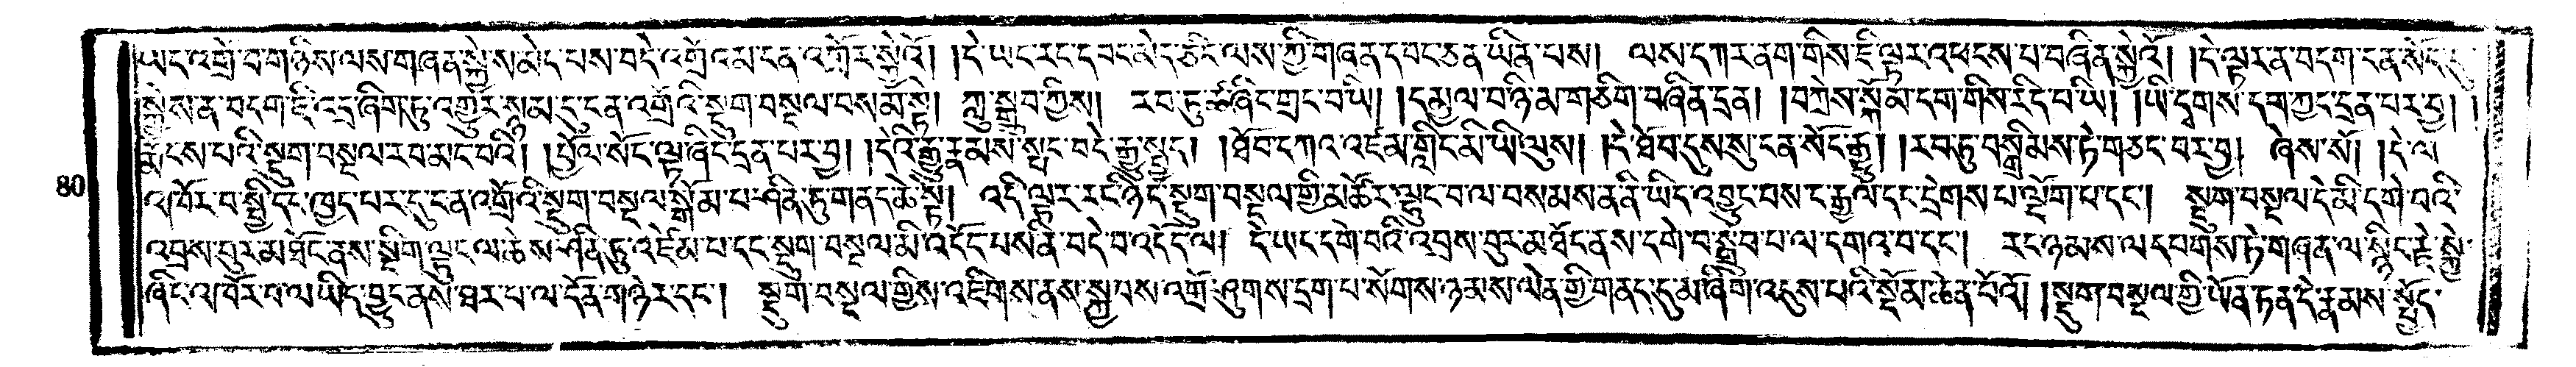ཡང་འགྲོ་བ་གཉིས་ལས་གཞན་སྐྱེ་ས་མེད་པས་བདེ་འགྲོའམ་ངན་འགྲོར་སྐྱེའོ། །དེ་ཡང་རང་དབང་མེད་ཅིང་ལས་ཀྱི་གཞན་དབང་ཅན་ཡིན་པས། ལས་དཀར་ནག་གིས་ཇི་ལྟར་འཕངས་པ་བཞིན་སྐྱེའོ། །དེ་ལྟར་ན་བདག་ངན་སོང་དུ་
སྐྱེས་ན་བདག་ཇི་འདྲ་ཞིག་ཏུ་འགྱུར་སྙམ་དུ་ངན་འགྲོའི་སྡུག་བསྔལ་བསམ་སྟེ། ཀླུ་སྒྲུབ་ཀྱིས། རབ་ཏུ་ཚ་ཞིང་གྲང་བ་ཡི། །དམྱལ་བ་ཉི་མ་གཅིག་བཞིན་དྲན། །བཀྲེས་སྐོམ་དག་གིས་རིད་པ་ཡི། །ཡི་དྭགས་དག་ཀྱང་དྲན་པར་བྱ། །
རྨོངས་པའི་སྡུག་བསྔལ་རབ་མང་བའི། །ཕྱོལ་སོང་ལྟ་ཞིང་དྲན་པར་བྱ། །དེའི་རྒྱུ་རྣམས་སྤང་བདེ་རྒྱུ་སྦྱད། །ཐོབ་དཀའ་འཛམ་གླིང་མི་ཡི་ལུས། །དེ་ཐོབ་དུས་སུ་ངན་སོང་རྒྱུ། །རབ་ཏུ་བསྒྲིམས་ཏེ་གཅང་བར་བྱ། ཞེས་སོ། །དེ་ལ་
འཁོར་བ་སྤྱི་དང་ཁྱད་པར་དུ་ངན་འགྲོའི་སྡུག་བསྔལ་སྒོམ་པ་ཤིན་ཏུ་གནད་ཆེ་སྟེ། འདི་ལྟར་རང་ཉིད་སྡུག་བསྔལ་གྱི་མཚོར་ལྷུང་བ་ལ་བསམས་ན་ནི་ཡིད་འབྱུང་བས་ང་རྒྱལ་དང་དྲེགས་པ་ལྡོག་པ་དང་། སྡུག་བསྔལ་དེ་མི་དགེ་བའི་
འབྲས་བུར་མཐོང་ནས་སྡིག་ལྟུང་ལ་ཆེས་ཤིང་ཏུ་འཛེམ་པ་དང་སྡུག་བསྔལ་མི་འདོད་པས་ནི་བདེ་བ་འདོད་ལ། དེ་ཡང་དགེ་བའི་འབྲས་བུར་མཐོང་ནས་དགེ་བ་སྒྲུབ་པ་ལ་དགའ་བ་དང་། རང་ཉམས་ལ་དཔགས་ཏེ་གཞན་ལ་སྙིང་རྗེ་སྐྱེ་
ཞིང་འཁོར་བ་ལ་ཡིད་བྱུང་ནས་ཐར་པ་ལ་དོན་གཉེར་དང་། སྡུག་བསྔལ་གྱིས་འཇིགས་ནས་སྐྱབས་འགྲོ་ཤུགས་དྲག་པ་སོགས་ཉམས་ལེན་གྱི་གནད་དུ་མ་ཞིག་འདུས་པའི་སྡོམ་ཆེན་པོའོ། །སྡུག་བསྔལ་གྱི་ཡོན་ཏན་དེ་རྣམས་སྤྱོད་